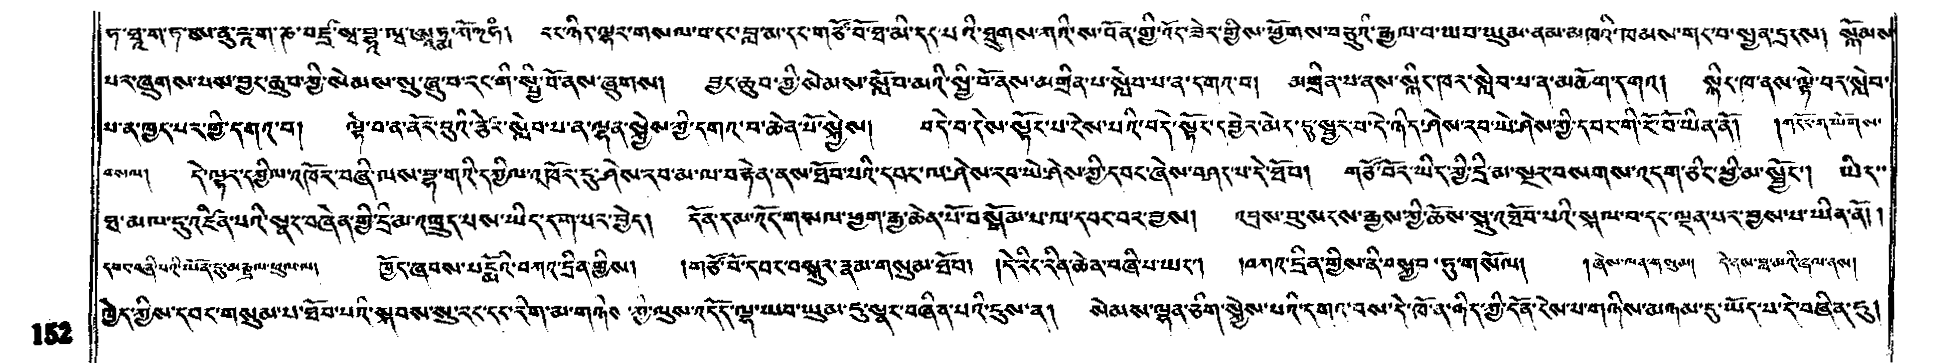ཏ་ཐཱ་ག་ཏ་ཨ་ནུ་རཱ་ག་ཎ་བཛྲ་སྭ་བྷཱ་ཝ་ཨཱཏྨ་ཀོཉཧཾ། རང་ཉིད་ལྷར་གསལ་བ་དང་བླ་མ་དང་གཙོ་བོ་ཐ་མི་དད་པའི་ཐུགས་ཀའི་ས་བོན་གྱི་འོད་ཟེར་གྱིས་ཕྱོགས་བཅུའི་རྒྱལ་བ་ཡབ་ཡུམ་ནམ་མཁའི་ཁམས་གང་བ་སྤྱན་དྲངས། སྙོམས་
པར་ཞུགས་པས་བྱང་ཆུབ་ཀྱི་སེམས་སུ་ཞུ་བ་རང་གི་སྤྱི་བོ་ནས་ཞུགས། བྱང་ཆུབ་ཀྱི་སེམས་སློབ་མའི་སྤྱི་བོ་ནས་མགྲིན་པ་སླེབ་པ་ན་དགའ་བ། མགྲིན་པ་ནས་སྙིང་ཁར་སླེབ་པ་ན་མཆོག་དགའ། སྙིང་ཁ་ནས་ལྟེ་བར་སླེབ་
པ་ན་ཁྱད་པར་གྱི་དགའ་བ། ལྟེ་བ་ན་ནོར་བུའི་རྩེར་སླེབ་པ་ན་ལྷན་སྐྱེས་ཀྱི་དགའ་བ་ཆེན་པོ་སྐྱེས། བདེ་བ་དེས་སྟོང་པ་ངེས་པའི་བདེ་སྟོང་དབྱེར་མེད་དུ་སྦྱར་བ་དེ་ཉིད་ཤེས་རབ་ཡེ་ཤེས་ཀྱི་དབང་གི་ངོ་བོ་ཡིན་ནོ། །གདོང་གཡོགས་
བསལ། དེ་ལྟར་དཀྱིལ་འཁོར་བཞི་ལས་བྷ་གའི་དཀྱིལ་འཁོར་དུ་ཤེས་རབ་མ་ལ་བརྟེན་ནས་ཐོབ་པའི་དབང་ལ་ཤེས་རབ་ཡེ་ཤེས་ཀྱི་དབང་ཞེས་བཤད་པ་དེ་ཐོབ། གཙོ་བོར་ཡིད་ཀྱི་དྲི་མ་སྔར་བསགས་འདག་ཅིང་ཕྱི་མ་སྦྱོང་། ཡིད་
ཐ་མལ་ཏུ་འཛིན་པའི་སྣང་བཞེན་གྱི་དྲི་མ་འཁྲུད་པས་ཡིད་དག་པར་བྱེད། དོན་དམ་འོད་གསལ་ཕྱག་རྒྱ་ཆེན་པོ་བསྒོམ་པ་ལ་དབང་བར་བྱས། འབྲས་བུ་སངས་རྒྱས་ཀྱི་ཆོས་སྐུ་འཐོབ་པའི་སྐལ་བ་དང་ལྡན་པར་བྱས་པ་ཡིན་ནོ། །
དབང་བཞི་པའི་ཡོན་དུ་མཎྜལ་ཕུལ་ལ།  ཁྱོད་ཞབས་པདམོའི་བཀའ་དྲིན་གྱིས། །གཙོ་བོ་དབང་བསྐུར་རྣམ་གསུམ་ཐོབ། །དེ་རིང་རིན་ཆེན་བཞི་པ་ཡང་། །བཀའ་དྲིན་གྱིས་ནི་བསྐྱབ་ཏུ་གསོལ། །ཞེས་ལན་གསུམ། དེ་ནས་བླ་མའི་ཞལ་ནས།
ཁྱེད་ཀྱིས་དབང་གསུམ་པ་ཐོབ་པའི་སྐབས་སུ་རང་དང་རིག་མ་གཉིས་ཀྱི་ལུས་འདོད་ལྷ་ཡབ་ཡུམ་དུ་སྣང་བཞིན་པའི་དུས་ན། སེམས་ལྷན་ཅིག་སྐྱེས་པའི་དགའ་བས་དེ་ཁོ་ན་ཉིད་ཀྱི་དོན་ངེས་པ་གཉིས་མཉམ་དུ་ཡོད་པ་དེ་བཞིན་ཏུ།